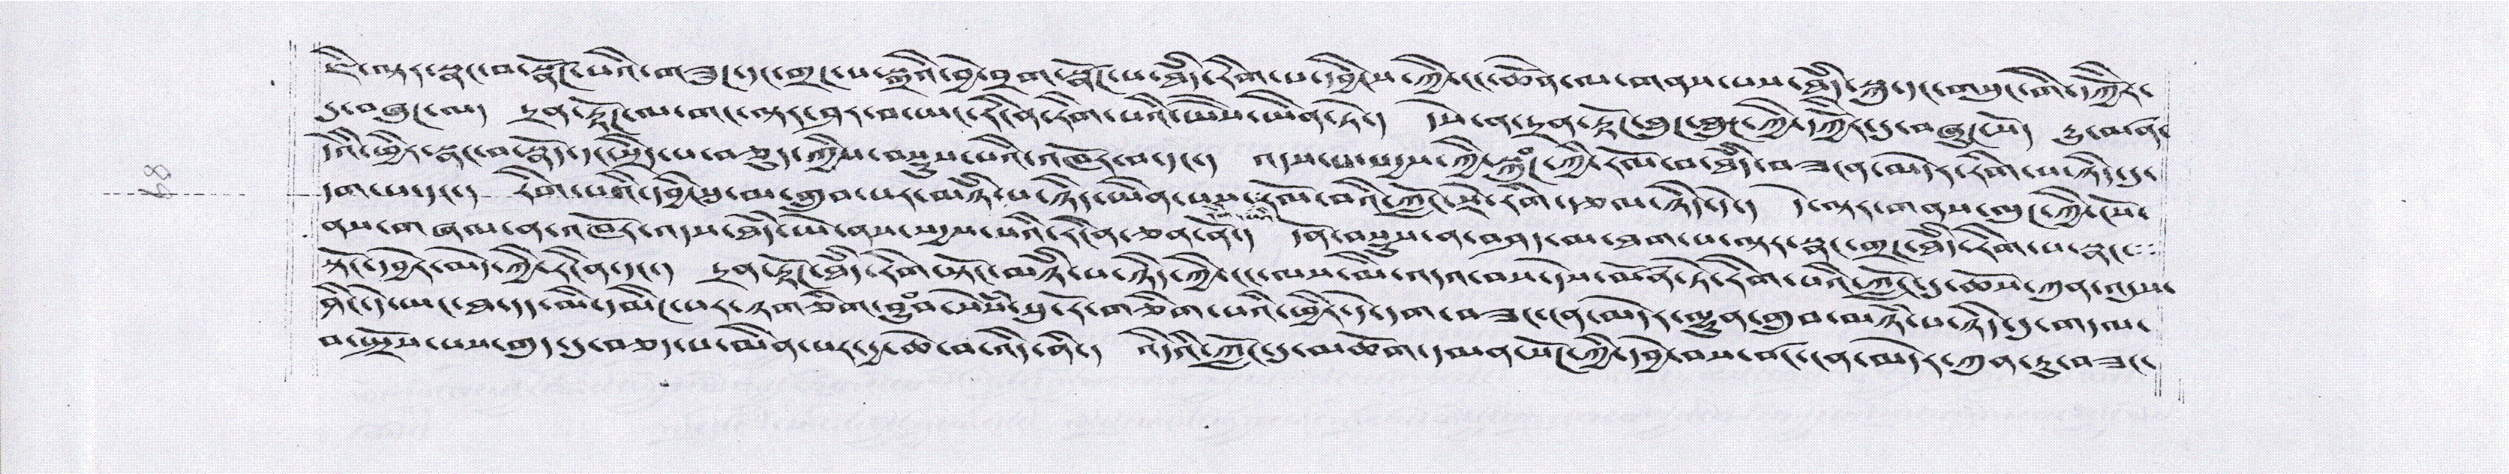ཇི་ལྟར་སྣང་བ་སྣ་ཚོགས་པའི་གཟུགས་དང་གྲགས་པ་སྒྲ་ཡི་བྱེ་བྲག་སྣ་ཚོགས་པ་ཐམས་ཅད་རིག་པ་དབྱིངས་ཀྱི་ངང་ཆེན་པོ་ལ་གནས་པས་ཐམས་ཅད་སྐུ་དང་གསུང་གི་དཀྱིལ་འཁོར་
དུ་བཞུགས་ལ། དྲན་རྟོག་ལ་གང་ལྟར་ཤར་བ་ཡང་རང་བཞིན་རིག་པའི་ཡེ་ཤེས་ཡིན་ཏེ། དེས་ན་དྲན་རྟོག་ཐུགས་ཀྱི་དཀྱིལ་འཁོར་དུ་བཞུགས་སོ། རྒྱུ་མཚན་
དེའི་ཕྱིར་སྣང་བ་སྣོད་དང་སྲིད་པ་བཅུད་ཀྱིས་བསྡུས་པའི་འཁོར་བ་དང་། འདས་པ་སངས་རྒྱས་ཀྱི་སྐུ་གསུང་ཐུགས་ཀྱི་རོལ་པ་ཐམས་ཅད་བཟང་ངན་མེད་པར་རིག་པ་ཉིད་དུ་
དག་པ་དང་རིག་པའི་དབྱིངས་སུ་མ་གྲུབ་པར་མཉམ་པ་ཉིད་ཡིན་པས་རིག་པའི་རོལ་པའི་ཀློང་སྡེ་རིག་རྩལ་ཉིད་དེ། དེ་ལྟར་གནས་ལུགས་ཀྱི་ངོས་
ནས་གཞལ་ན་འཁོར་འདས་ཐམས་ཅད་ཡེ་ནས་སངས་རྒྱས་པའི་རང་བཞིན་ཅན་ནོ། དོན་བསྡུས་ནས་བཤད་ན་བཤད་མ་ཐག་པ་ལྟར་སྣང་གྲགས་ཐམས་ཅད་རིག་པ་སྣང་
སྟོང་དབྱེར་མེད་ཀྱི་རང་བཞིན་དང་། དྲན་རྟོག་ཐམས་ཅད་རིག་སྟོང་མཉམ་པ་ཉིད་ཀྱི་ངང་ལས་མི་འདའ་བས་དེས་མཚོན་ཏེ་རིག་པའི་ཀློང་དུ་ཆོས་ཀུན་འདུས་
ཤིང་དེ་ཡང་ཐ་དད་དམིགས་པར་ཉག་གཅིག་བྱང་ཆུབ་སེམས་སུ་རོ་གཅིག་པའི་ཕྱིར་དེ་དག་བཟང་ངན་མེད་པར་ལྷུན་གྲུབ་མཉམ་པ་ཉིད་དུ་བདལ་
བ་སྤྲོས་པས་གུད་དུ་བཅད་པ་མིན་པར་རྒྱ་ཆེ་བ་འདི་ནི། འདིའི་ཀློང་དུ་མཆོག་དམན་སོགས་ཀྱི་དབྱེ་བས་བཟང་ངན་མེད་པར་ཀུན་ཏུ་བཟང་